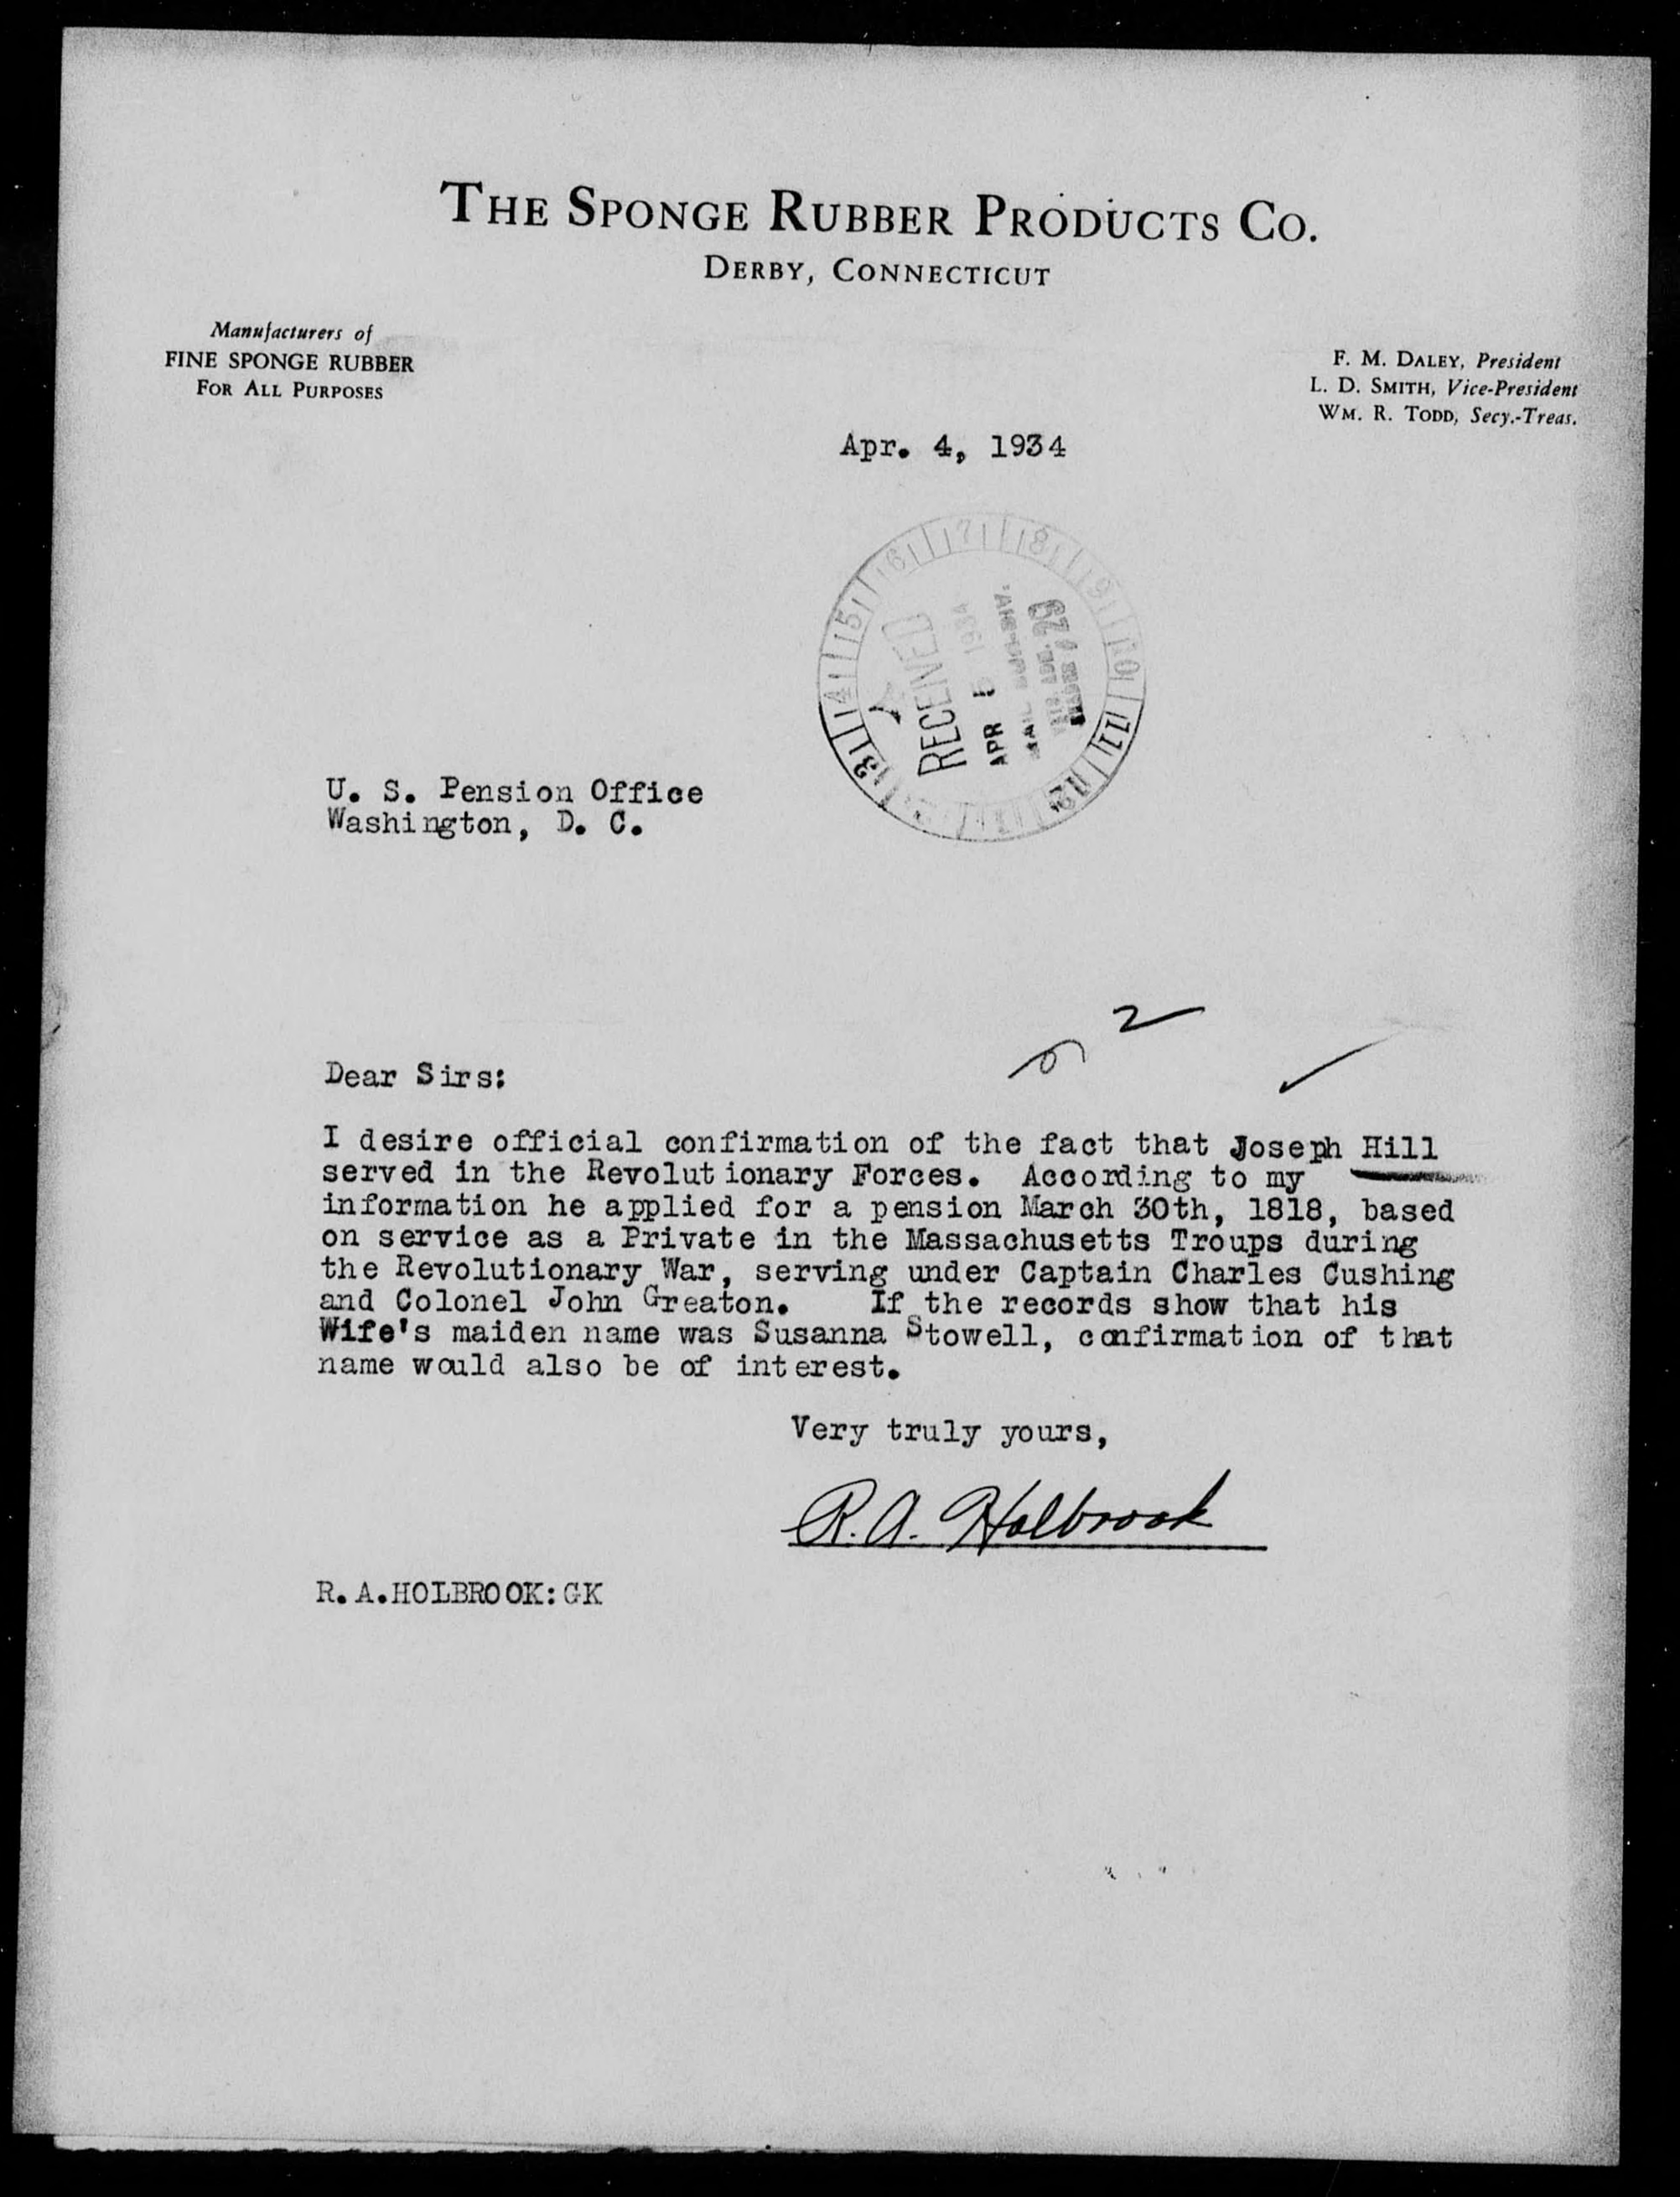(LETTERHEAD0
THE SPONGE RUBBER PRODUCTS CO
DERBY CONNECTICUT

April 4, 1934

(stamped Received)

U. S. Pension Office
Washington D.C.

Dear Sirs:

I desire official confirmation to the fact that Joseph Hill served in the Revolutionary Forces. According to my information he applied for a pension March 30th, 1818 based on service as a Private in the Massachusetts Troops during the Revolutionary War, serving under Captain Charles Cushing and Colonel John Greaton .  If the records show that his Wife's maiden was Susanna Stowall, confirmation of that name would also be of interest.

Very truly yours

R. A. Holbrook (signature(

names: R A Halbrook, Charles Cushing, F M Daley, Wm R Todd, L D Smith, John Greaton, R A Holbrook, Joseph Hill, Susanna Stowell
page: 10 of 14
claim: survivor's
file: S. 3,3303, Joseph Hill, Continental (Mass.)